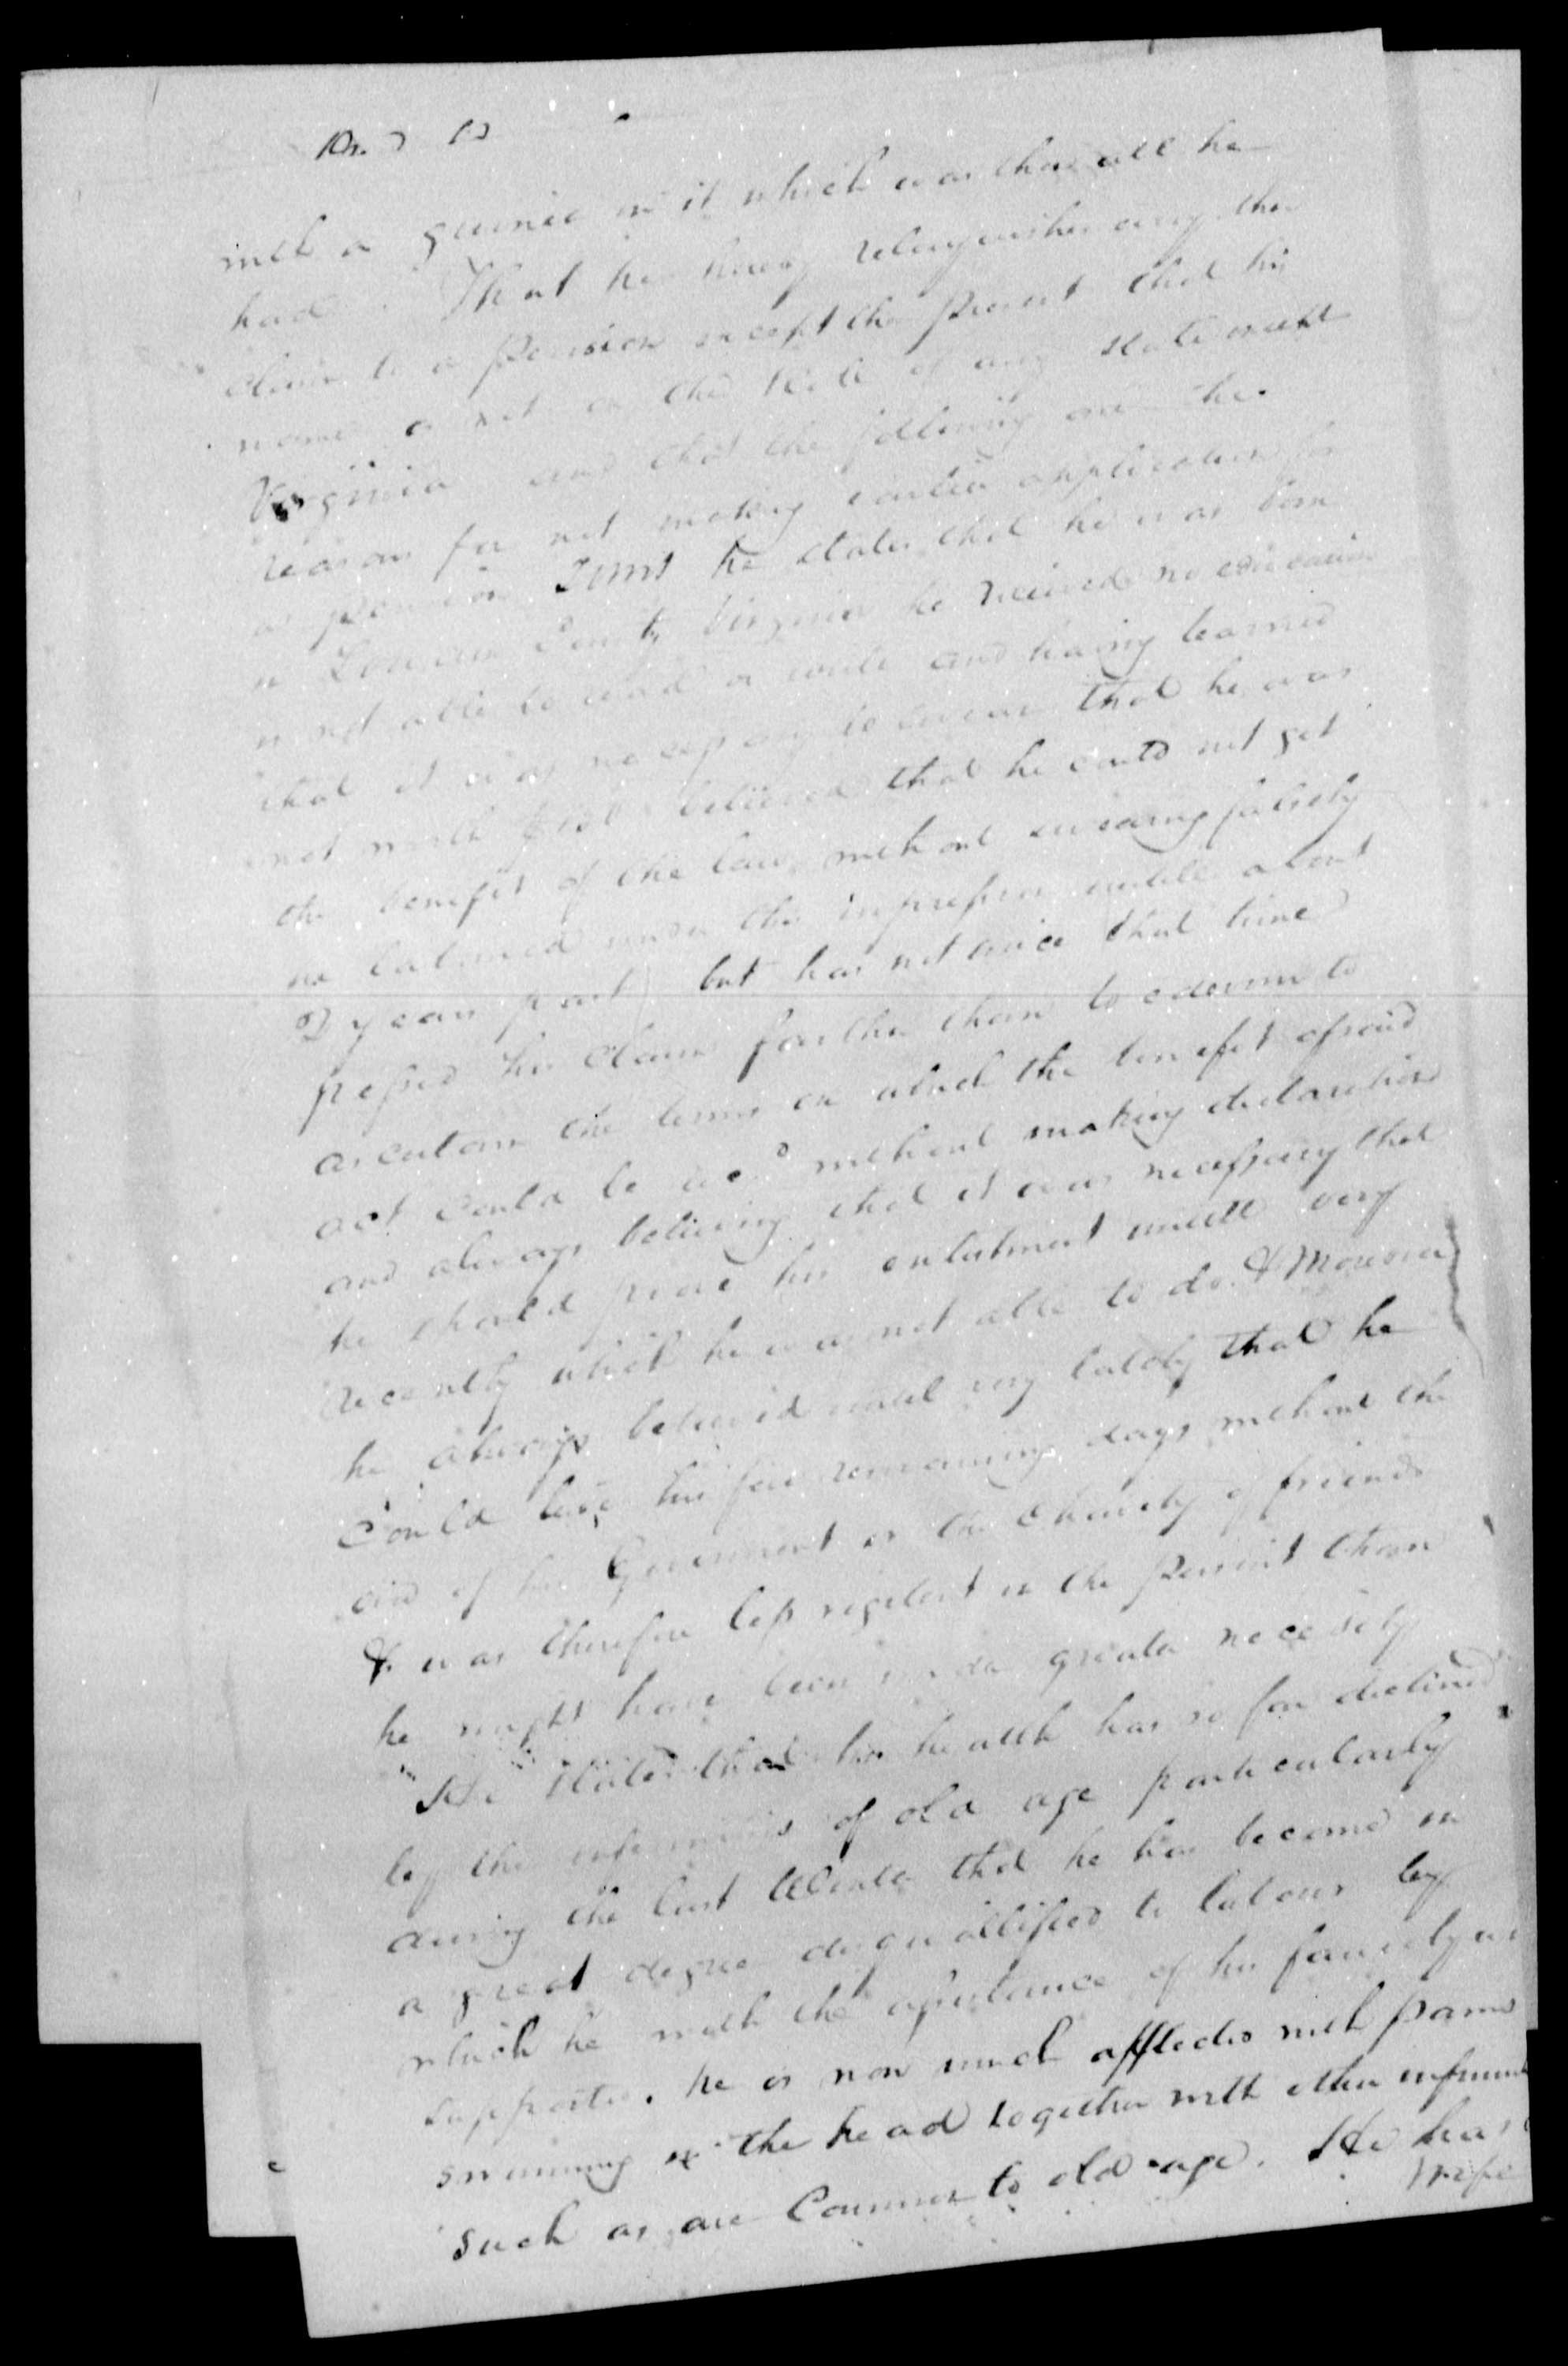with a guinea in it which was that al he ad. That he hereby relinquishes any other claim to a pension except the present that his name is not on the Roll of any state except Virginia and that the following are the reason for not making earlier application for a pension Towit he states that he was born in Louisa County Virginia he received no education is not able to read or write and having learned that it was necessary to labour that he was not worth first believed that he could not the benefit of the law, without swearing falsely as laboured under the impression until about 2 years past but has not since that time pressed his Claim for the then to conform to as certain the terms on which the benefit of said act could be recd. without making declaration and always believing that it was necessary that he should prove his entitlement untill very recently which he was not able to do. & Moreover he always believed until very lately that he could have his few remaining days without the aid of the Government or charity of friends & was therefore less vigilant in the pursuit thereon he might have been made a greater necessity
He states that his health has so far declined by the infirmities of old age particularly during the last Winter that he has become in a great degree dequalified to labour by which he with the assistance of his family has supported. he is now much afflicted with [illegible] of the head together with other infirmities such as are Caused to old age. He has a
Wife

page: 5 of 57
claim: widow's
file: W. 9,622, for Aaron Redman, Virginia